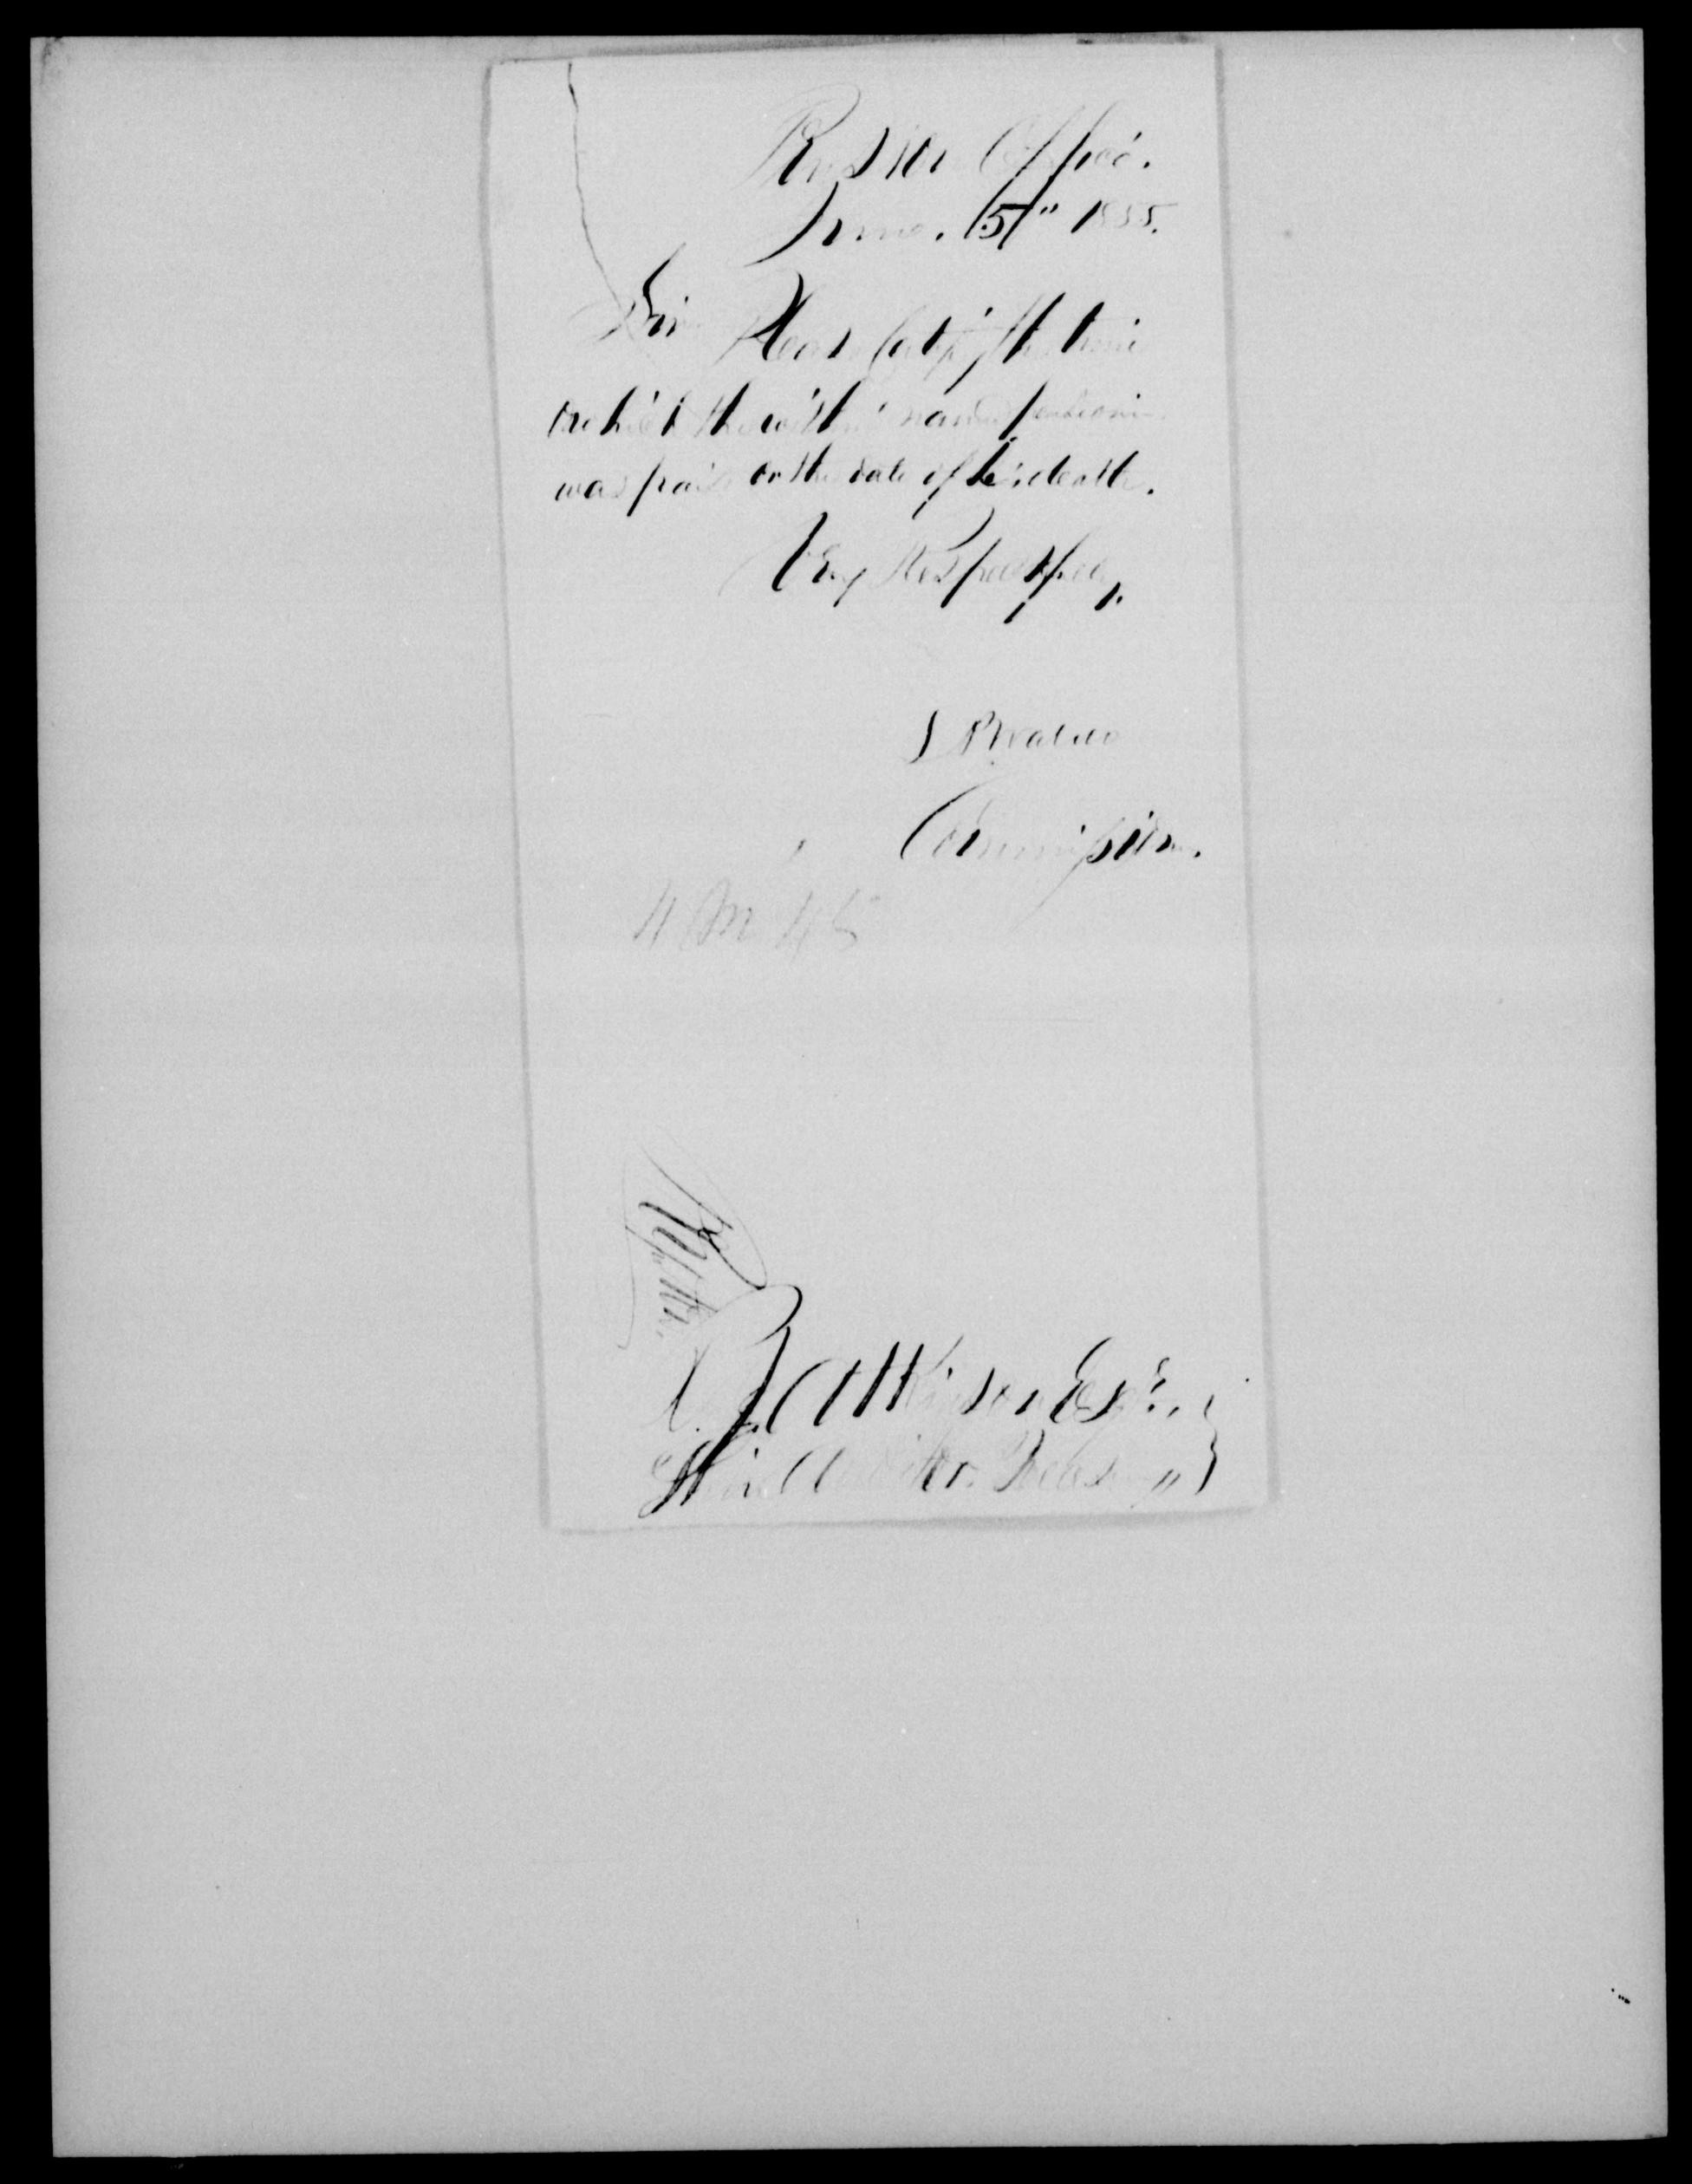Register  Office:
Jun 5th 1855

Sir Pleas certify the time reaches if how it and pension was paid oath date of Certificate
Very Respectfully, 
J P Waldo
Comm Pens.

N M 45

B Atkinson Esq
Hill to Febs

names: B Atkinson; L P Waldo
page: 55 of 61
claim: widow's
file: W. 11554, for John Stafford, Maryland